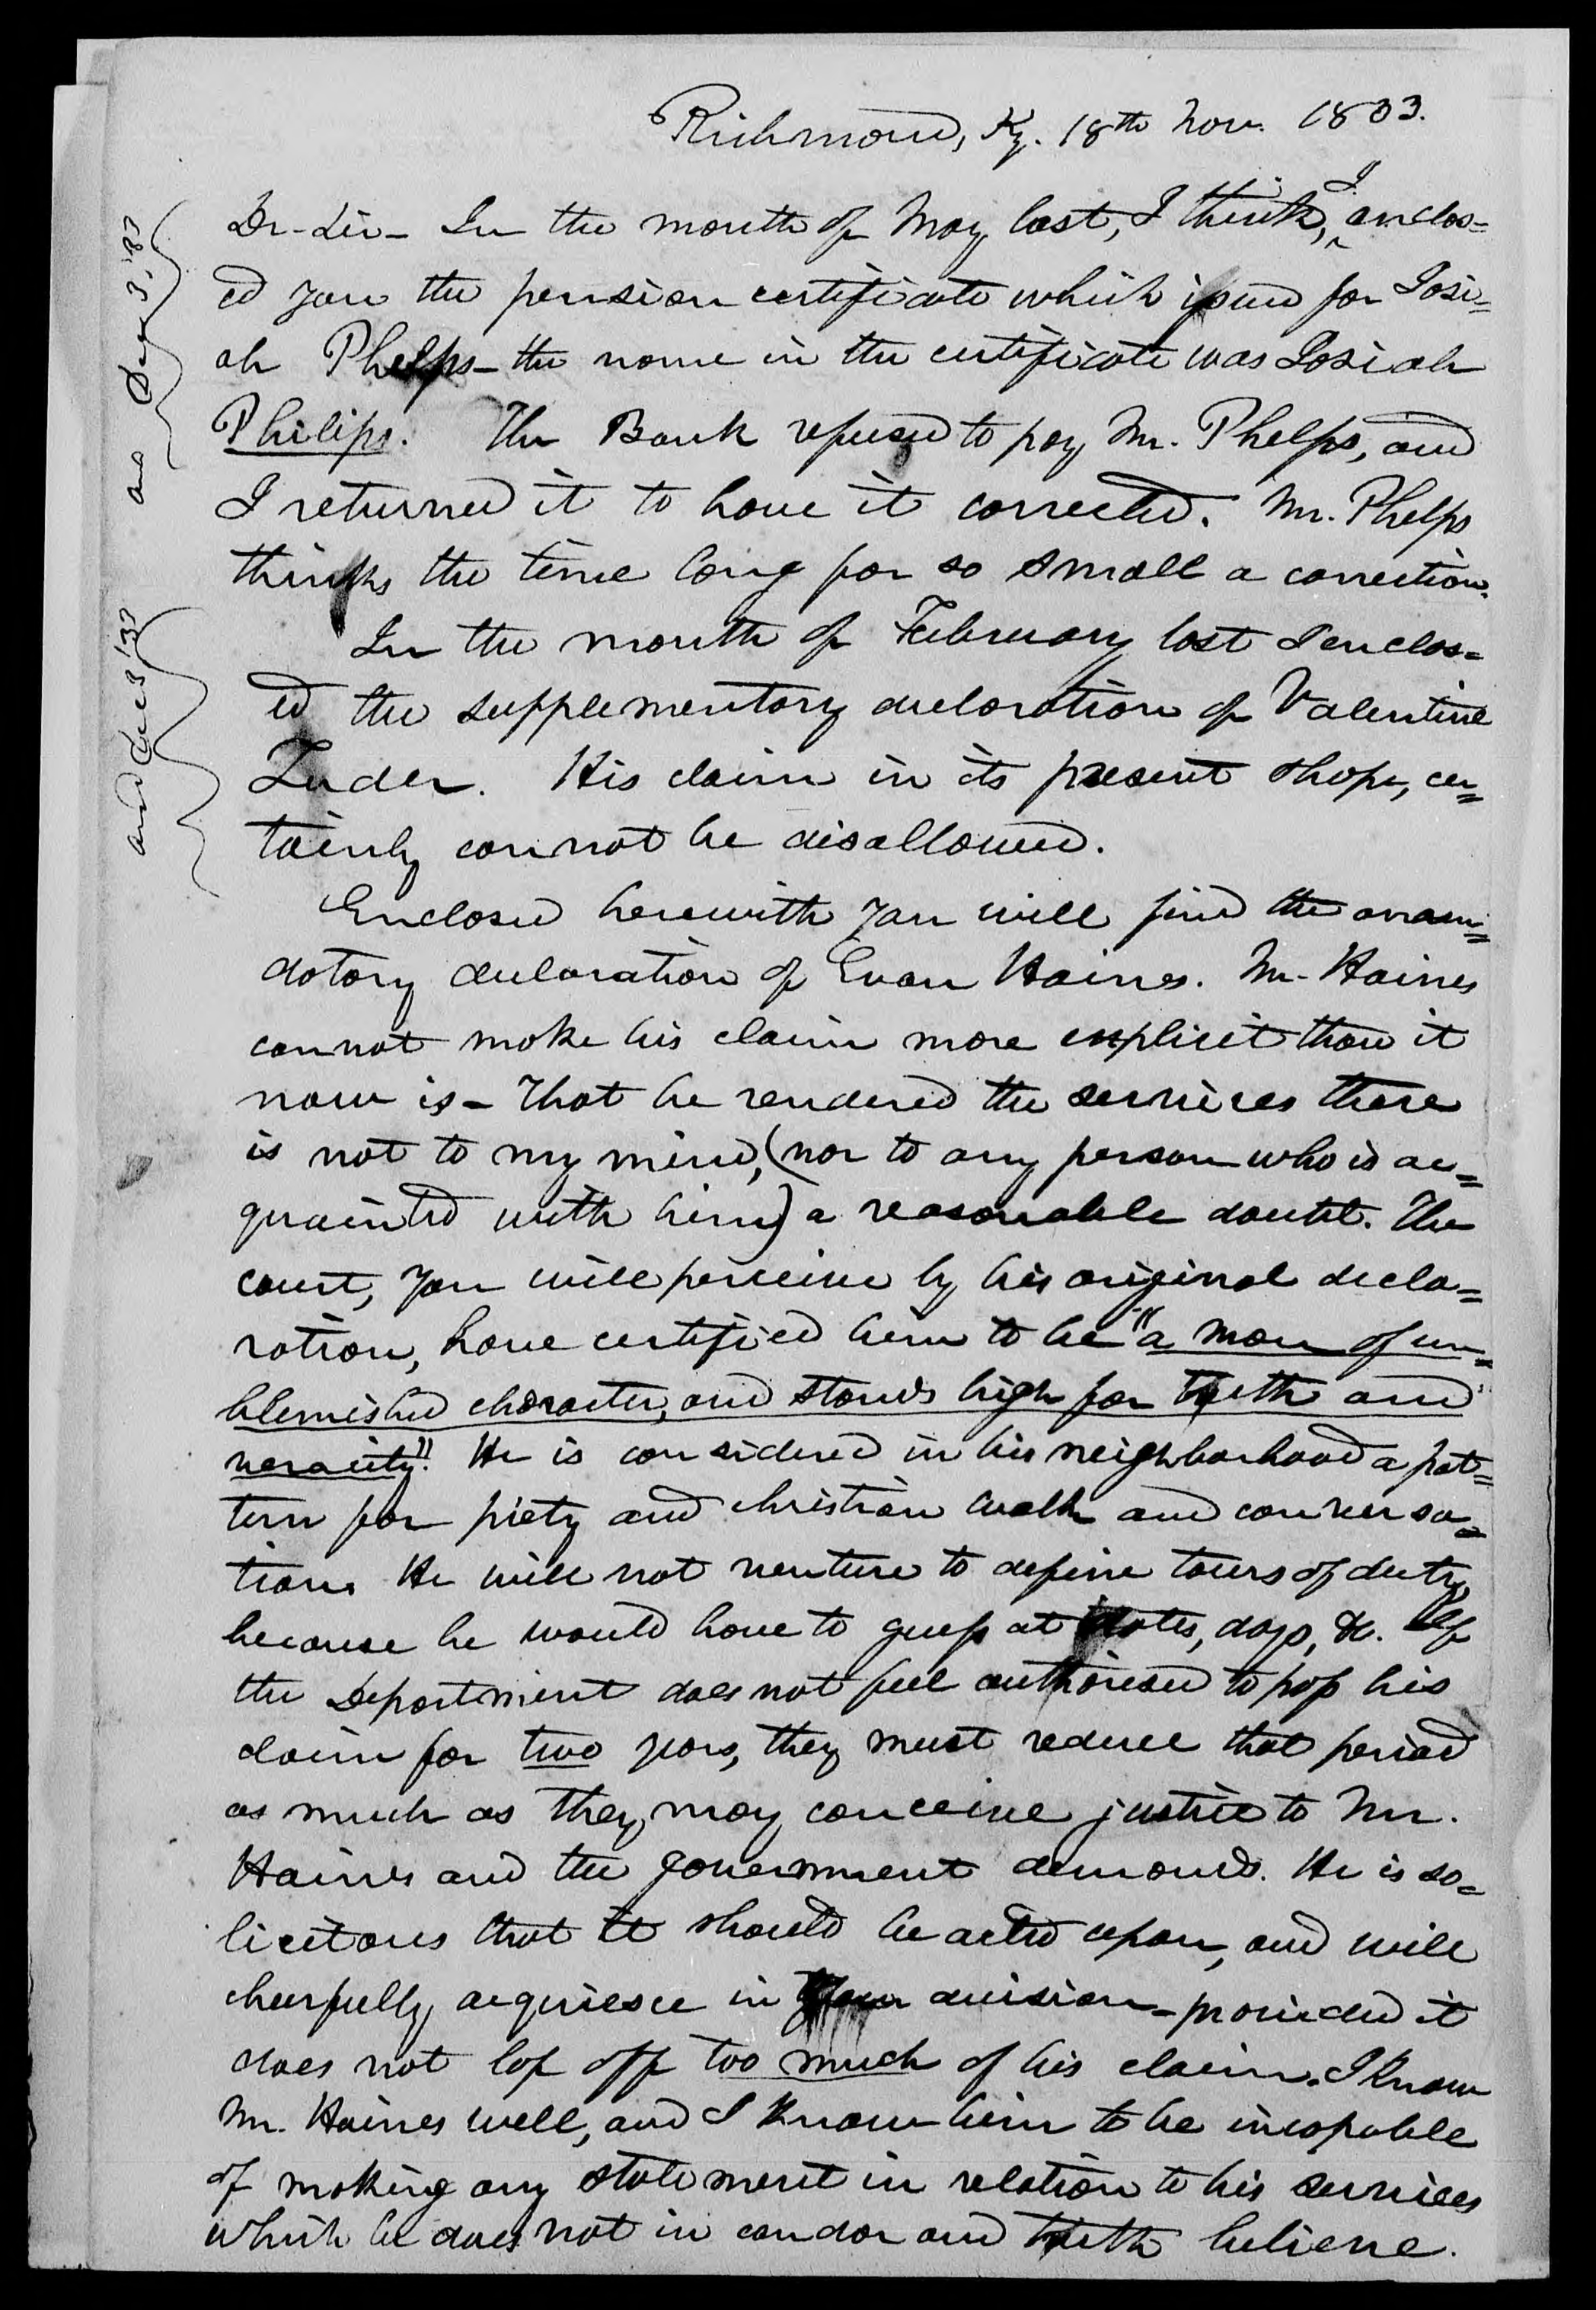Richmond Ky, 18th Nov. 1803

Dr- Lio- In the month of May last, I think. I enclosed to you the pension certificate which is for Josiah Phelps- the name in the certificate was Josiah Philips. The bank refused to pay Mr. Phelps, and I returned it to have it corrected. Mr. Phelps thinks the time long for so small a correction. 
In the month of February last, I enclosed the supplementary declaration of Valentine Tuder. His claim in its present hope certainly cannot be disallowed. 
Enclosed herewith you will find obligatory declaration of Evan Haines. Mr. Haines cannot make his claims more explicit than it now is-that he rendered the services there is not to my mind more (nor than any person who is acquainted with him) a reasonable doubt. The court, you will perceive by his original declaration has certified him to be a man of unblemished character, and stands high for truth and veracity. He is considered in his neighborhood a pattern for piety and Christian   and considered a Christian. He will not venture to define tours of duty , because he would have to guess at dates, days, etc. The department does not feel authorized to    his    for two years. , they must reduce that period as much as they may conceive justice to Mr. Haines and the government allows   .
He is so that it should be acted upon, and will cheerfully acquiesce in decision provided it does not lop off too much of his     .
I know Mr. Haines well, and I know him to be incapable of making any statements in relation to his services that he does not in candor and truth believe.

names: Evan Haines, Phelps, Phelps, Josiah Phelps, Josiah Philips, Haines, Valentine Tuder, Haines, Haines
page: 31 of 34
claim: widow's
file: W. 8897, Evan Haines, Ga